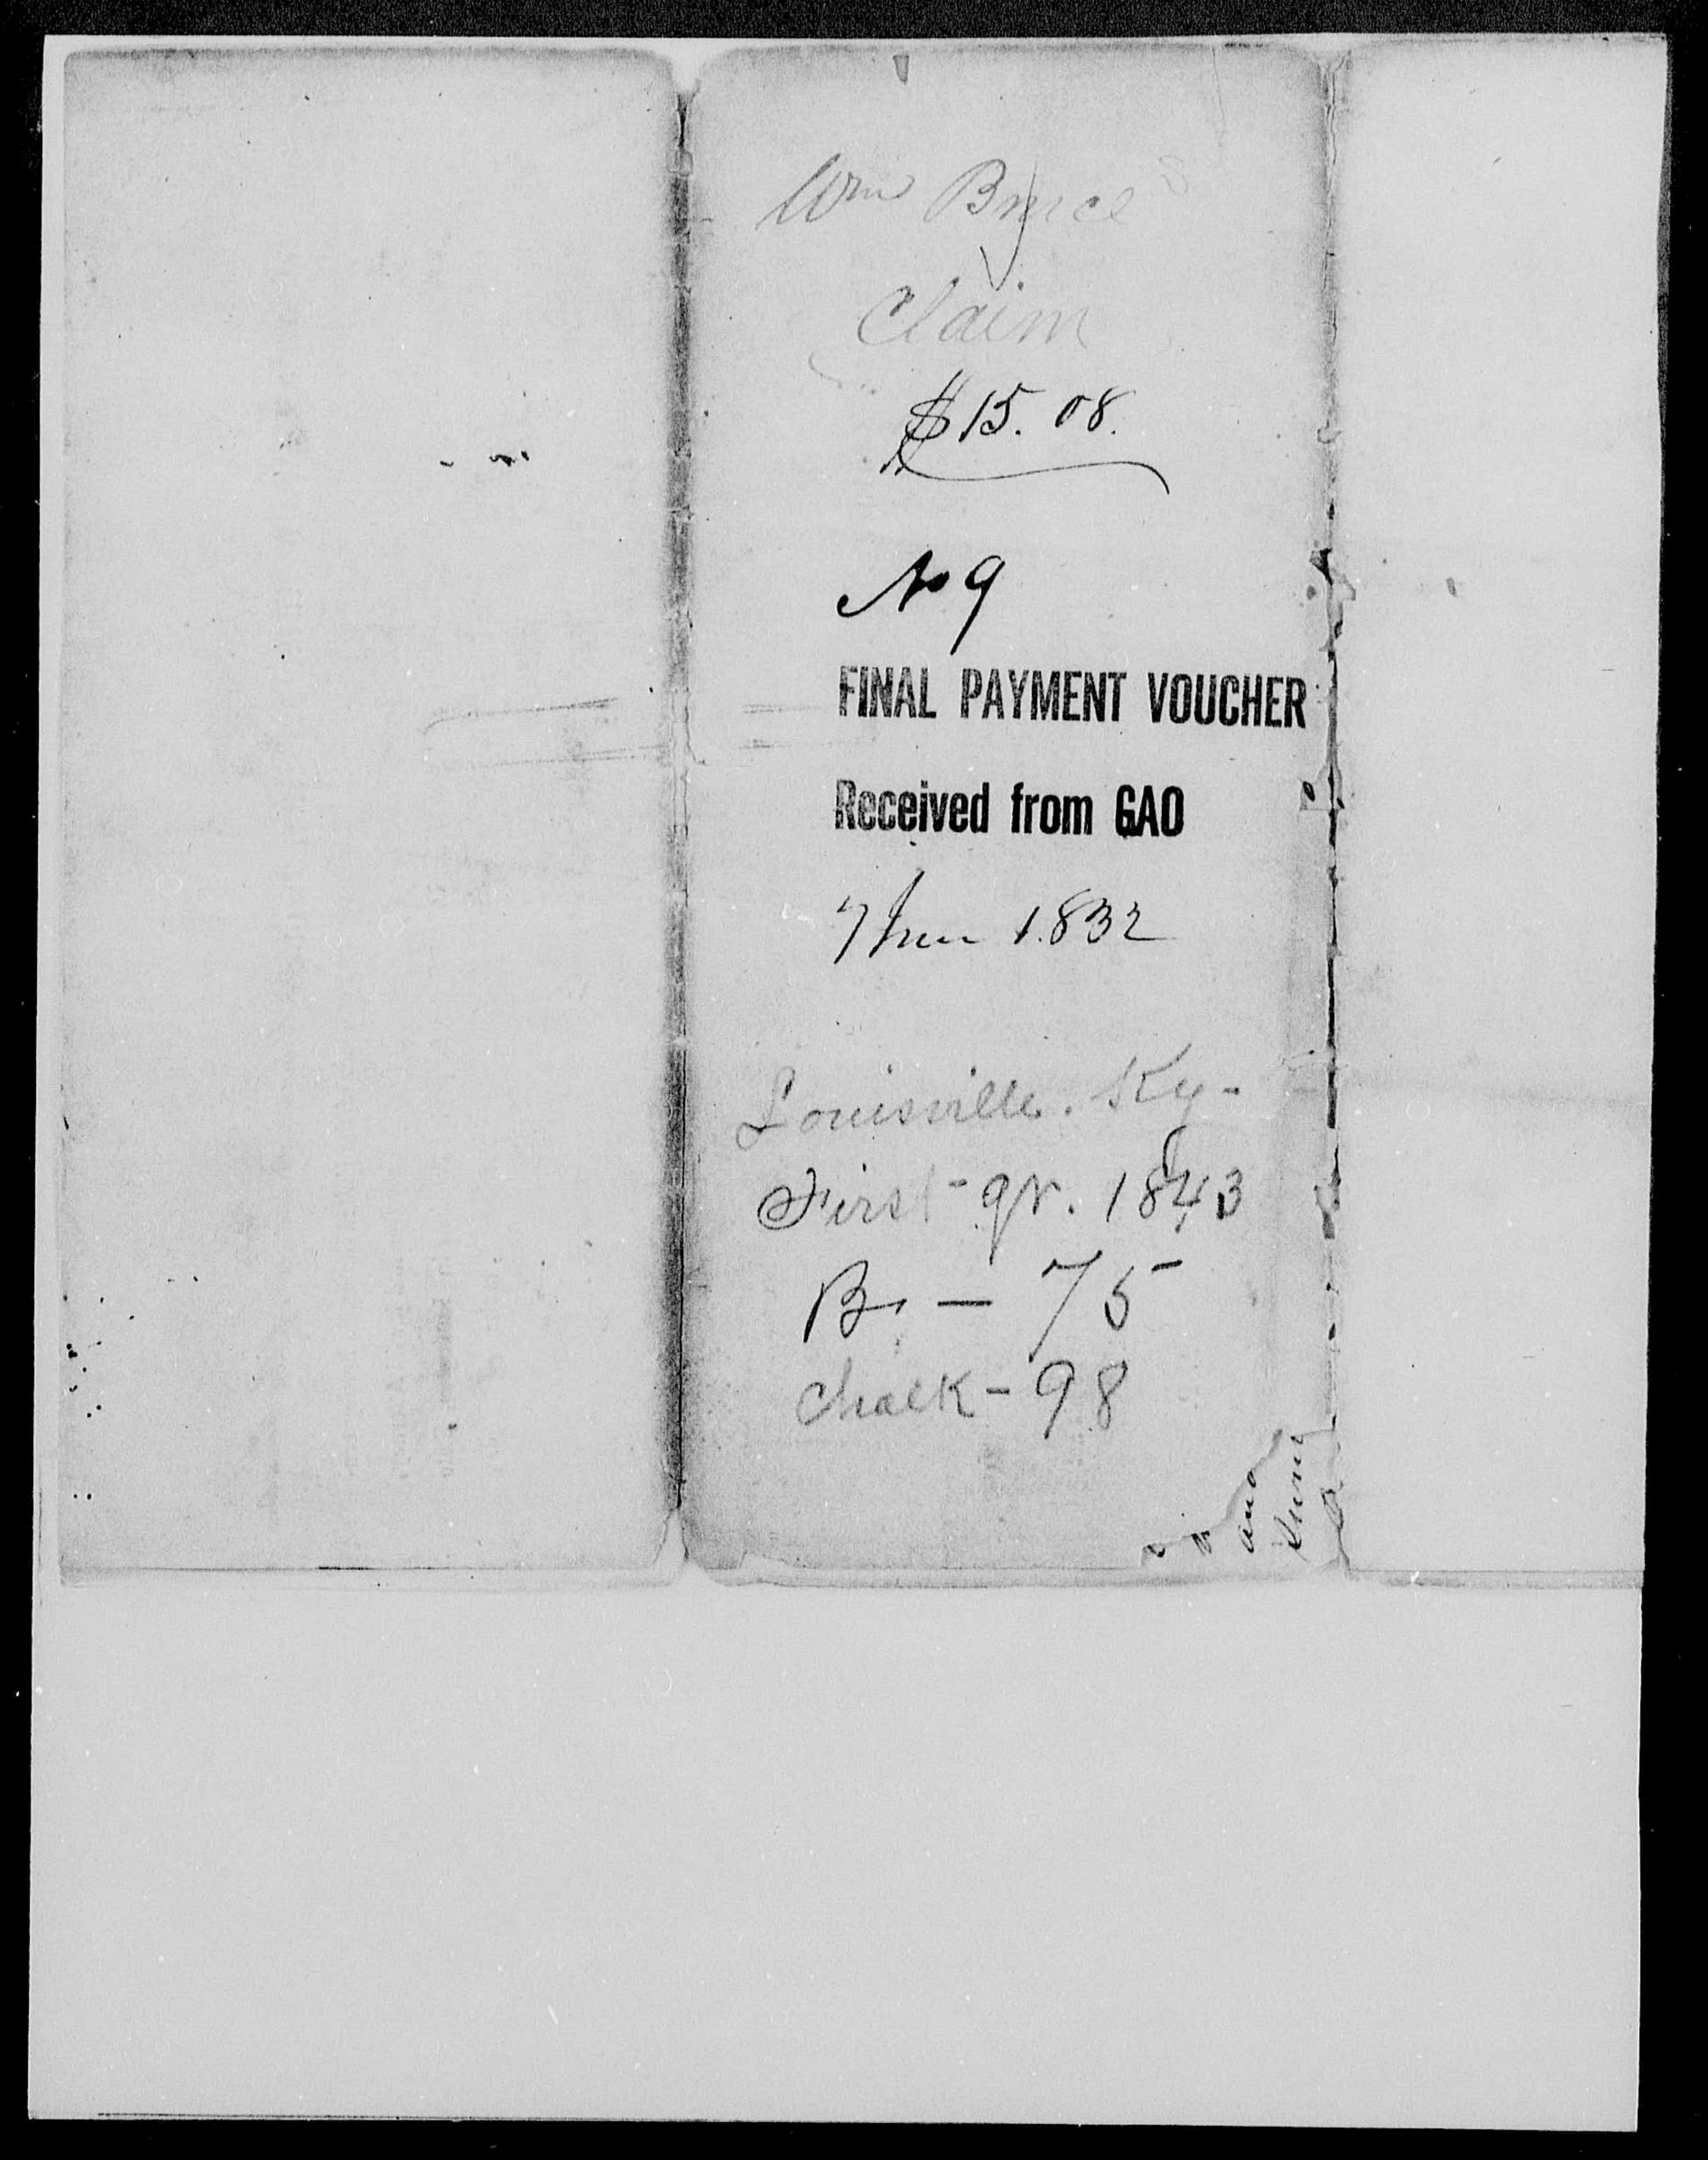Wm Bruce
claim
$15.08
No 9

[stamped] FINAL PAYMENT VOUCHER
Received from GAO

7 June 1832

Louisville, Ky
First gr. 1843
B - 75
Track-98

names: Wm Bruce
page: 11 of 54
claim: survivor's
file: S. 30287, William Bruce, N.C.